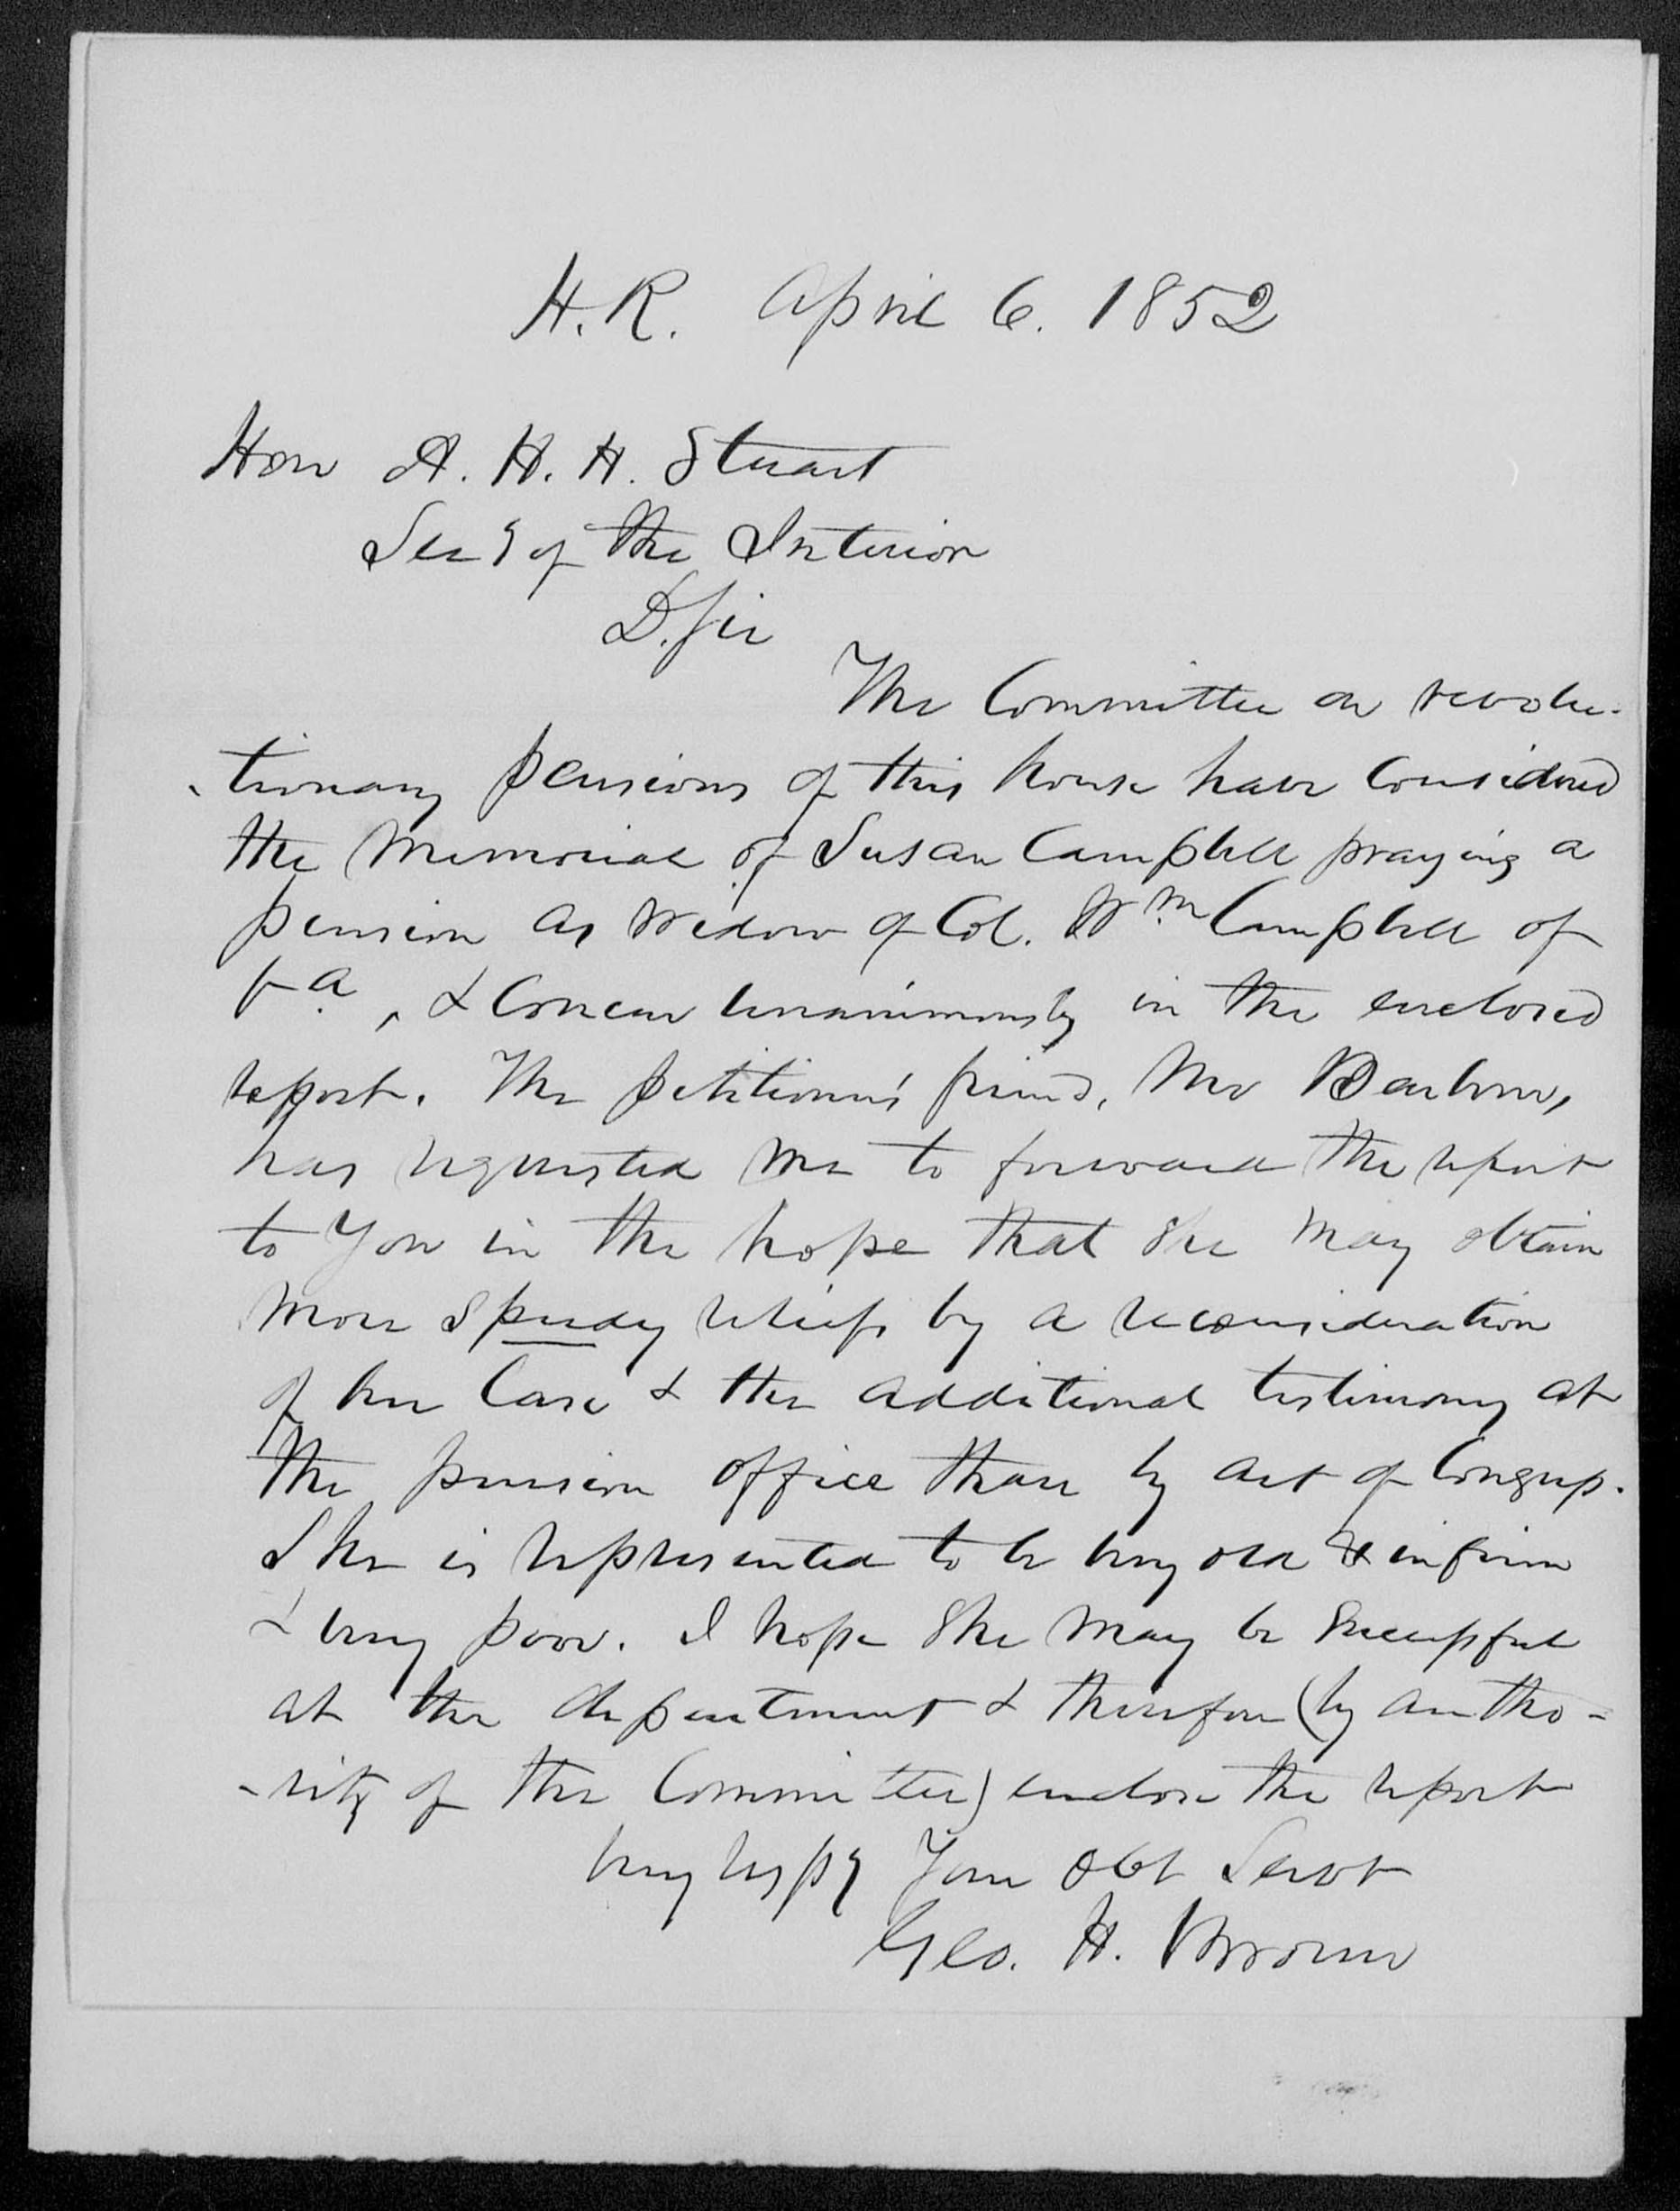H. R. April 6.  1852

Hon. A. H. H. Stuart
Secy of the Interior
D. Sir
The Committee on revolutionary pensions of this house have considered the Memorial of Susan Campbell praying a pension as widow of Col. Wm Campbell of Va, +[and] concur unanimously in the enclosed report.  The petitioner's friend, Mr. Barbour, has requested me to forward the report to you in the hope that she may obtain more speedy relief by a recommendation of her case +[and] the additional testimony at the pension office than by act of Congress. She is represented to be very old +[and] infirm +[and] very poor. I hope she may be successful at the department +[and] therefore (by authority of the Committee) under the report 
Very Respy Your Obt Servt
Geo. H. Brown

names: Susan Campbell, A H H Stuart, Geo H Brown, Wm Campbell, Barbour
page: 122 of 267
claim: widow's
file: W. 4,149, William Campbell, Va.